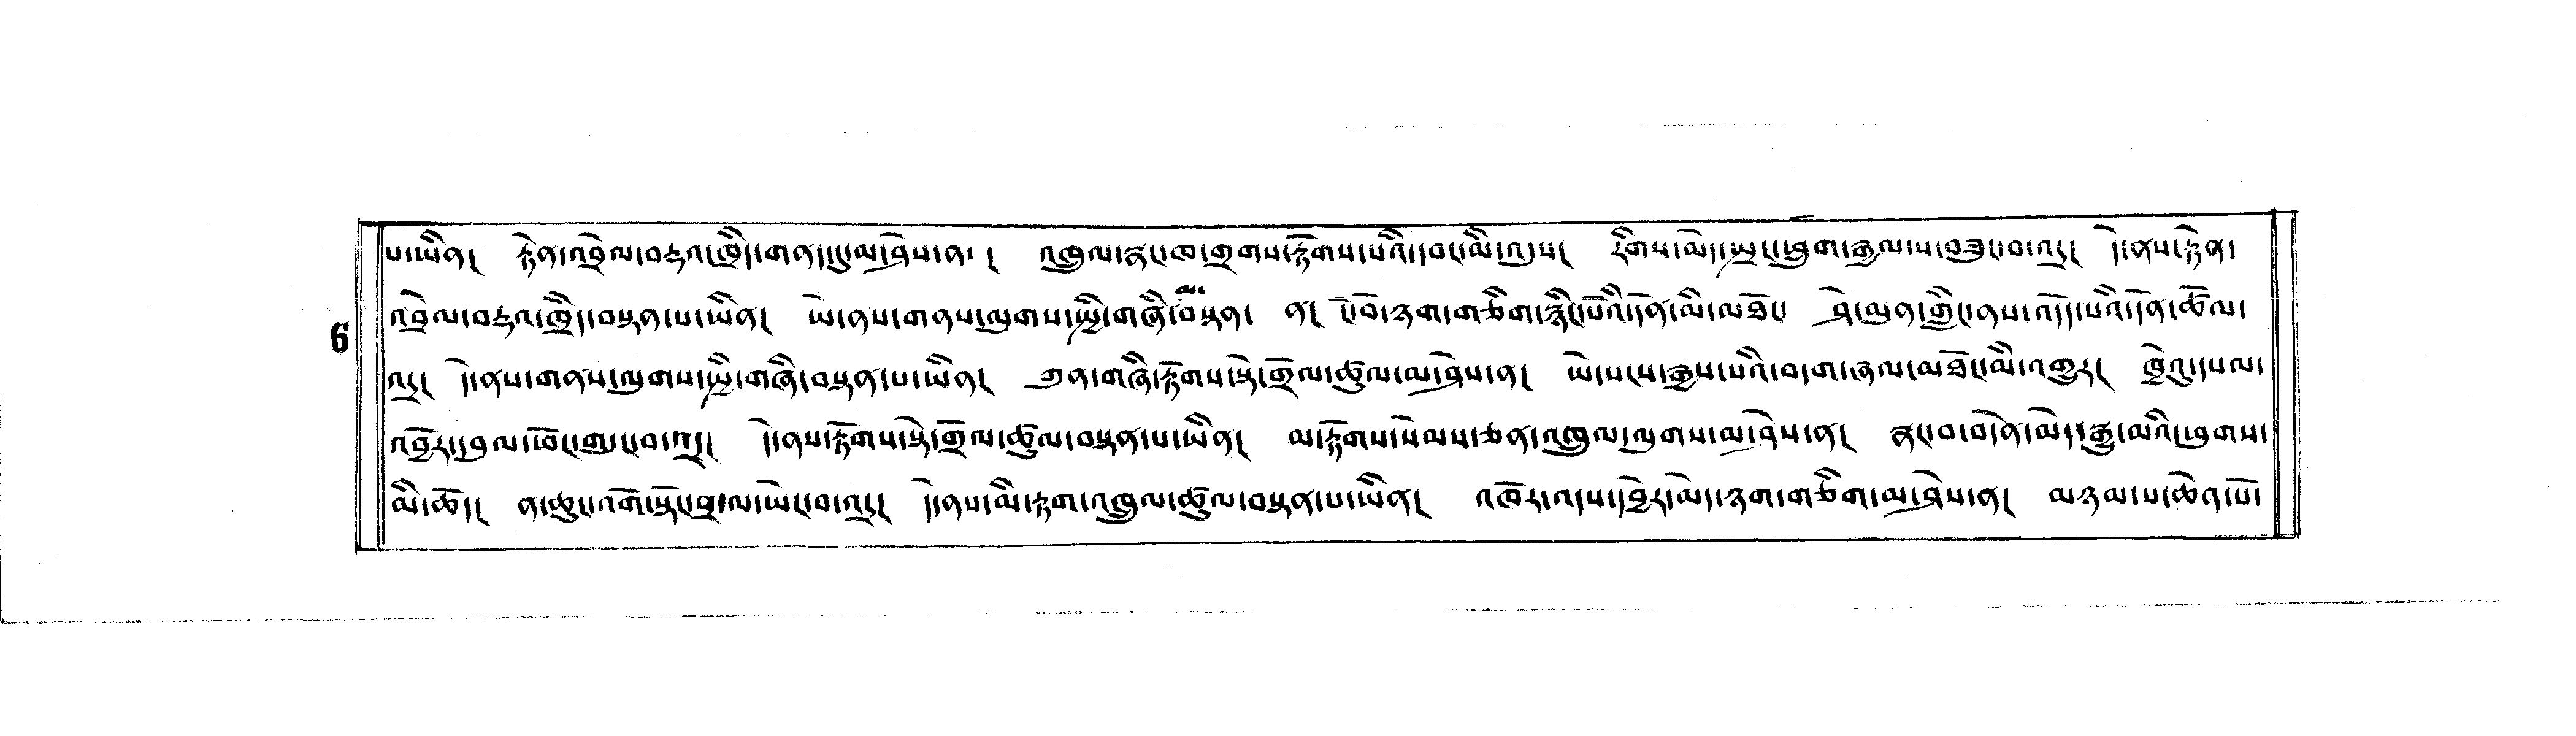པ་ཡིན། རྟེན་འབྲེལ་བརྡ་ཁྲིད་གནད་དུ་མ་ཤེས་ན། འཁྲུལ་སྣང་ཁ་གྲགས་རྟོགས་པའི་དབང་མི་འདུས། རིགས་མེད་སྤྲང་ཕྲུག་རྒྱལ་ས་བཟུང་བ་འདྲ། དེ་ནས་རྟེན་
འབྲེལ་བརྡའ་ཁྲིད་བསྟན་པ་ཡིན། ཡེ་ནས་གནས་ལུགས་སྤྱི་གཞི་མ་བསྟན་ན། ངོ་བོ་ཉག་གཅིག་སྙིང་པོའི་དོན་མི་མཐོང་། ཤེ་མུན་གླིང་ནས་འདོད་པའི་དོན་ཚོམ་
འདྲ། དེ་ནས་གནས་ལུགས་སྤྱི་གཞི་བསྟན་པ་ཡིན། ཀུན་གཞི་རྟོགས་ཏེ་གྲོལ་ཚུལ་མ་ཤེས་ན། ཡེ་སངས་རྒྱས་པའི་བདག་ཞལ་མཐོང་མི་འགྱུར། ཁྱེའུ་དཔལ་
འབྱོར་དབུལ་ཕོངས་གདུང་བ་འདྲ། དེ་ནས་རྟོགས་ཏེ་གྲོལ་ཚུལ་བསྟན་པ་ཡིན། མ་རྟོགས་སེམས་ཅན་འཁྲུལ་ལུགས་མ་ཤེས་ན། སྣང་བ་བདེན་མེད་སྒྱུ་མའི་ཕུགས་
མི་ཆོད། ན་ཆུང་འགོ་སྟོང་བྲ་ལ་ཡེངས་པ་འདྲ། དེ་ནས་མི་རྟག་འཁྲུལ་ཚུལ་བསྟན་པ་ཡིན། འཁོར་འདས་དབྱེར་མེད་ཉག་གཅིག་མ་ཤེས་ན། མཉམ་པ་ཆེན་པོ་